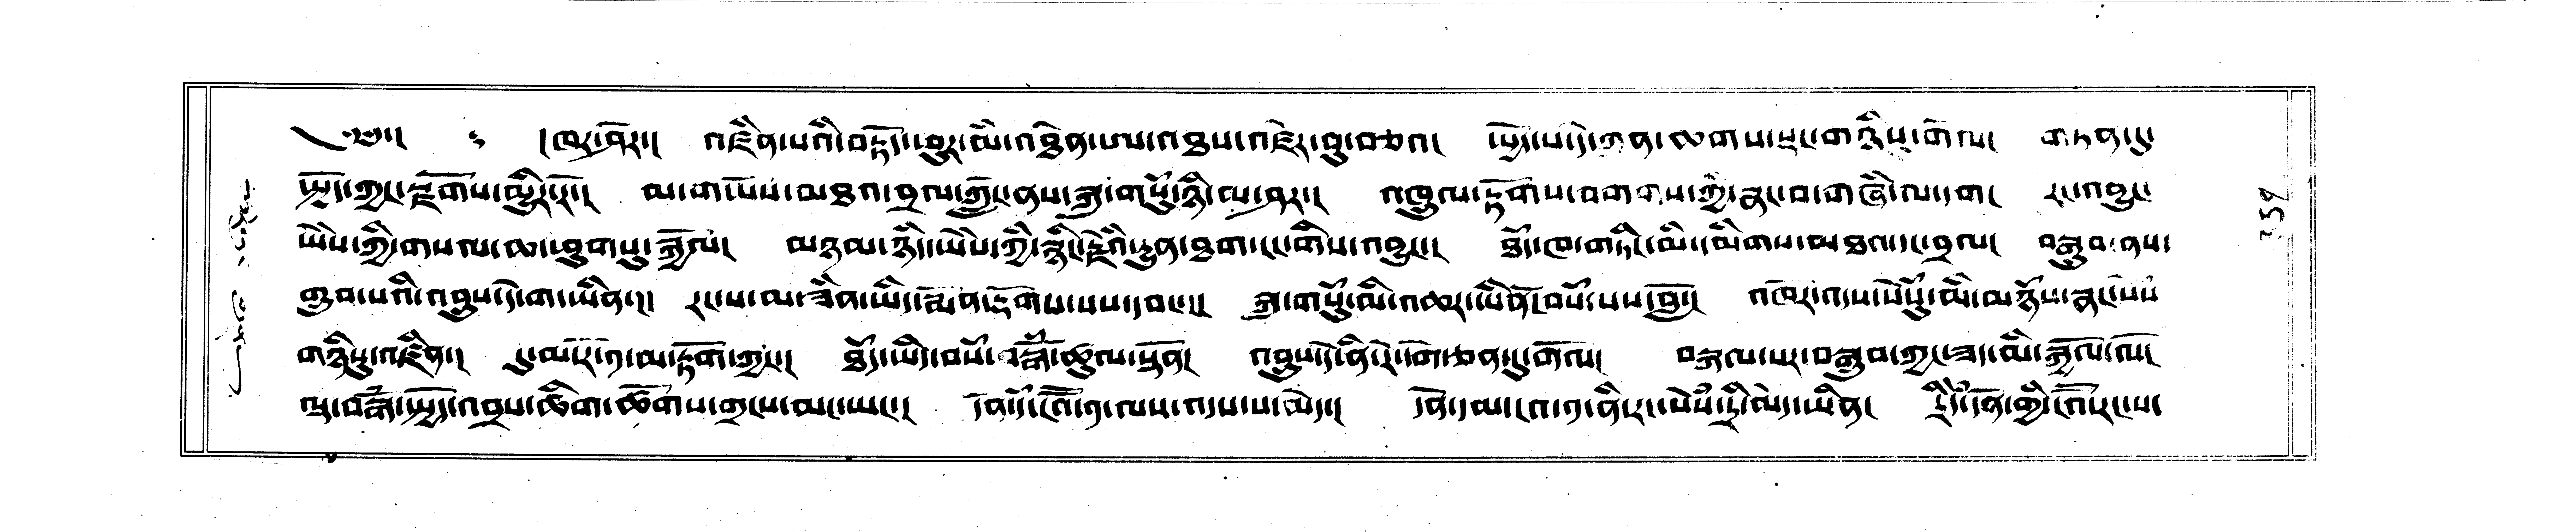ཁར་ཤོར། འཛིན་པའི་བརྟོད་ཕུར་མི་ཐོན་ཨན་༼ཨ༽འཐས་འཛེར་བུ་བཅས། སྤྱོད་པ་དེ་ཀུན་ཆག་སྡང་གཉིས་སུ་གོལ། གཏན་དུ་
སྤྱོད་ཀྱང་རྫོགས་པར་མི་གྱུར་རོ། མ་གཡོས་མཐའ་བྲལ་ཀློང་དུ་བོན་སྐུའི་ཉི་མ་ཤར། འཁྲུལ་རྟོག་བག་ཆགས་ཀྱིས་སྣང་བ་གཞི་ལ་དག རང་འབྱུང་
ཡེ་ཤེས་གསལ་ཆ་ཕུགས་སུ་སྐྱོལ། མཉམ་ཉིད་ཡེ་ཤེས་སྙིང་རྗེའི་རྒྱུན་ཐག་ངང་གིས་འབྱུང་། ཐམས་ཅད་མཁའ་གཏིང་དམིགས་མེད་མཐའ་དང་བྲལ། བསྒྲུབས་ན་
གྲུབ་པའི་འབྲས་བུ་དེ་ཀ་ཡིན། རང་ས་མི་ཟིན་ཡིད་སྨོན་རྟོགས་པའི་རྒྱུ། སྐུ་གསུམ་མ་འཆར་ཡིན་ནོ་བསམ་པའི་བློ། འཁོར་འདས་སེམས་སུ་མི་མཉམ་སྣང་བ་
སེམས་སུ་འཛིན། དུ་མ་རོ་ཅིག་གིས་རྣམ་རྟོག་ཀྱང་། ཐམས་ཅད་ཅིག་ཡིན་བསམ་ནས་སྒོམ་ཚུལ་སྟོན། འབྲས་བུ་དེ་ནི་རེ་དོག་ཅན་དུ་གོལ། སྐལ་པར་བསྒྲུབས་ཀྱང་ཟད་སར་མི་སྐྱོལ་ལོ།
 ལྟ་སྒོམ་སྤྱོད་འབྲས་ཚིག་ཚོགས་གྲངས་མང་ཡང་། དོན་དམ་ངོའོ་ཅིག་ལ་འདས་པ་ན། དོན་དམ་ངོའོ་ཅིག་ནི་རང་སེམས་དྲི་མེད་ཡིན། དྲི་མེད་དོན་དམ་གྱིས་ངོའོ་རང་ས་